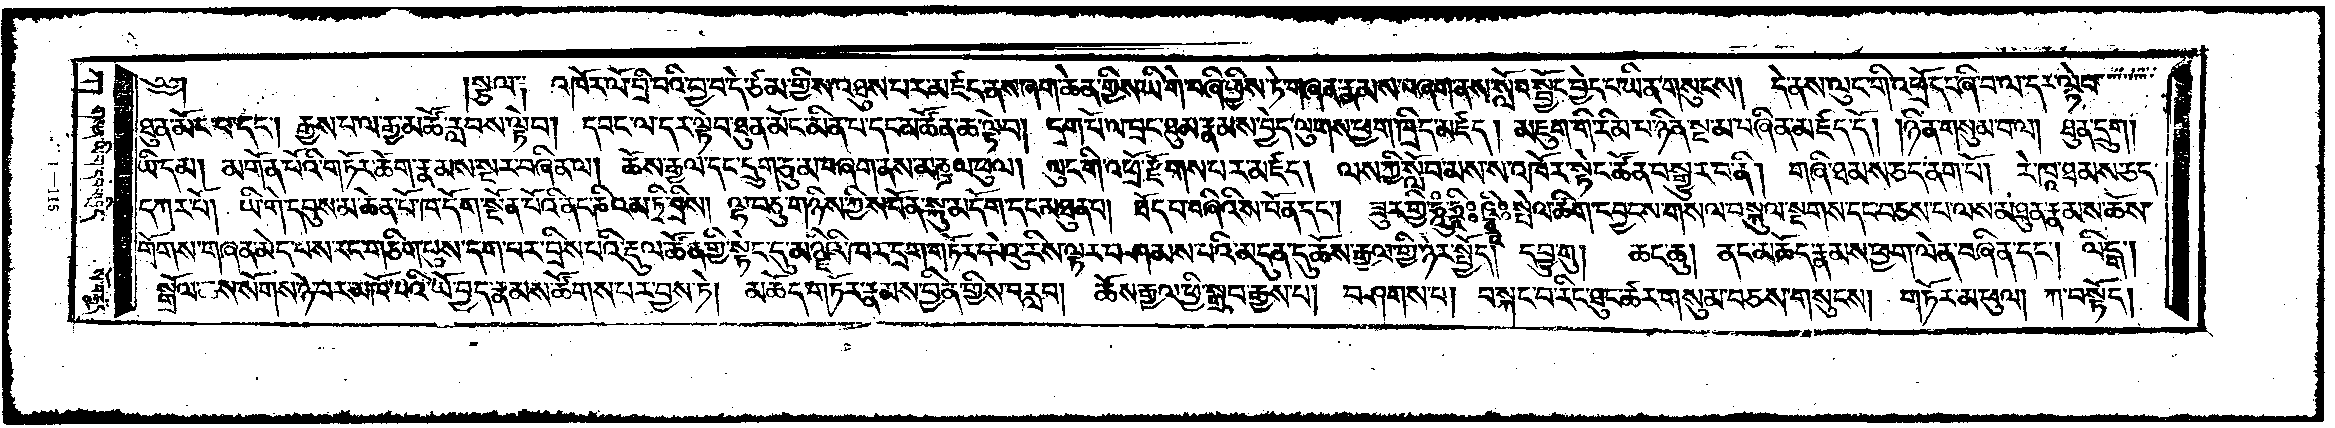༄༅། །སྩལ༑ འཁོར་ལོ་བྲི་བའི་བྱ་བ་དེ་ཙམ་གྱིས་འཐུས་པར་མཛད་ནས་ཞག་ཆེན་གྱིས་ཡི་གེ་བཞི་ཕྱིས་ཏེ་གཞན་རྣམས་བཞག་ནས་སློབ་སྦྱོང་བྱེད་པ་ཡིན་གསུངས། དེ་ནས་ལུང་གི་འཕྲོད་བཞི་བ་ལ་དར་ལྟེ་བ་
ཐུན་མོང་བ་དང་། རྒྱས་པ་ལ་རྒྱ་མཚོ་རླབས་ལྟེ་བ། དབང་ལ་དར་ལྟེ་བ་ཐུན་མོང་མིན་པ་དང་མཚོན་ཆ་ལྟེ་བ། དྲག་པོ་ལ་བྲང་ཐུན་རྣམས་བྱེད་ལུགས་ཕྱག་ཁྲིད་མཛད། མཇུག་གི་རིམ་པ་ཉིན་སྔ་མ་བཞིན་མཛད་དོ། །ཉིན་གསུམ་པ་ལ། ཐུན་དྲུག།
ཡི་དམ། མགོན་པོའི་གཏོར་ཆོག་རྣམས་སྔར་བཞིན་ལ། ཆོས་རྒྱལ་དང་དྲུག་ཅུ་མ་བཞག་ནས་མཎྜལ་ཕུལ། ལུང་གི་འཕྲོ་རྫོགས་པར་མཛད། ལས་ཀྱི་སློབ་མས་ས་འཁོར་སྟེང་ཚོན་བསྒྱུར་བ་ནི། གཞི་ཐམས་ཅད་ནག་པོ། རེ་ཁཱ་ཐམས་ཅད་
དཀར་པོ། ཡི་གེ་དབུས་མ་ཆེན་པོ་ཁ་དོག་སྔོན་པོའི་ནང་ཎིའམ་ཏྲི་བྲིས། ལྷ་བཅུ་གཉིས་ཀྱི་ས་བོན་སྐུ་མདོག་དང་མཐུན་པ། ཐོད་བ་བཞིའི་ས་བོན་དང་། ཟུར་གྱི་ཧཱུཾ་ཧྲཱིཿཥྚཱིཿ སྤེལ་ཚིག་དབྱངས་གསལ་བསྐུལ་སྔགས་དང་བཅས་པ་ལས་མཐུན་རྣམས་ཆོས་
གྲོགས་གཞན་མེད་པས་རང་གཅིག་པུས་དག་པར་བྲིས་པའི་རྡུལ་ཚོན་གྱི་སྟེང་དུ་མཉྫིའི་ཁར་དྲག་གཏོར་དཔེའུ་རིས་ལྟར་བཤམས་པའི་མདུན་དུ་ཆོས་རྒྱལ་གྱི་ཉེར་སྤྱོད། དབྱུ་གུ། ཆང་ཆུ། ནང་མཆོད་རྣམས་ཕྱག་ལེན་བཞིན་དང་། ལིངྒ།
སྒྲོལ་ཆས་སོགས་ཉེ་བར་མཁོ་བའི་ཡོ་བྱད་རྣམས་ཚོགས་པར་བྱས་ཏེ། མཆོད་གཏོར་རྣམས་བྱིན་གྱིས་བརླབ། ཆོས་རྒྱལ་ཕྱི་སྒྲུབ་རྒྱས་པ། བཤགས་པ། བསྐང་བ་རིང་ཐུང་ཚར་གསུམ་བཅས་གསུངས། གཏོར་མ་ཕུལ། ཀ་བསྟོད།